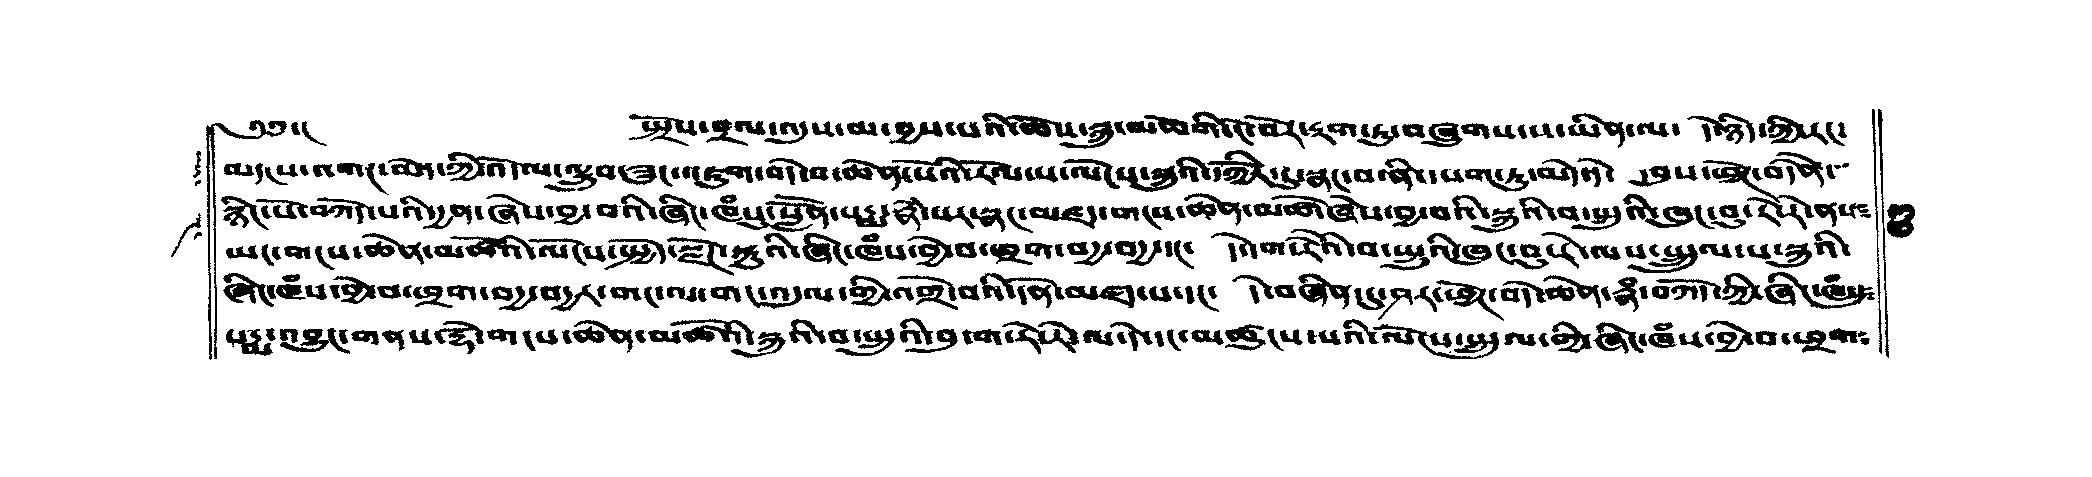སྤྲོས་བྲལ་འདུས་མ་བྱས་པའི་ཆོས་སྐུ་མཆོག་གི་ངོ་བོར་རྟག་ཏུ་བཞུགས་པ་ཡིན་ལ། དེ་ཉིད་ཀྱི་རང་
མདངས་འགགས་མེད་ཀྱི་འོད་གསལ་ལྷུན་གྲུབ་ཟུང་འཇུག་བདེ་བ་ཆེན་པོའི་རོལ་པ་ལོངས་སྐུའི་དཀྱིལ་འཁོར་དུ་སྣང་བ་ནི་དཔག་ཏུ་མེད་དེ། དབུས་ཚོགས་བདེ་ཆེན་
སྙིང་པོ་བཀོད་པའི་རྒྱན་ཞེས་བྱ་བའི་ཞིང་ཁམས་སུ་སློབ་དཔོན་པདྨ་རྣམ་པར་སྣང་མཛད་གངས་ཆེན་མཚོ་ཞེས་བྱ་བའི་སྐུའི་བ་སྤུའི་ཁུང་བུ་རེ་རེ་ནས་
ཡང་གངས་ཆེན་མཚོའི་ལོངས་སྤྱོད་རྫོགས་སྐུའི་ཞིང་ཁམས་བྱེ་བ་ཕྲག་བརྒྱ་དང་། དེ་དག་རེ་རེའྀ་བ་སྤུའི་ཁུང་བུ་རེ་ལས་སྤྲུལ་པ་སྐུའི་
ཞིང་ཁམས་བྱེ་བ་ཕྲག་བརྒྱ་བརྒྱར་གང་ལ་གང་འདུལ་གྱི་འགྲོ་བའི་དོན་མཛད་པ་དང་། དེ་བཞིན་དུ་ཤར་ཕྱོགས་བདེ་ཆེན་རྣམ་བཀོད་ཀྱི་ཞིང་ཁམས་སུ་
པདྨ་འབྱུང་གནས་རྡོ་རྗེ་གངས་ཆེན་མཚོའི་སྐུའི་བུ་ག་རེ་རེ་ལ་དེ་དང་མཚུངས་པའི་ལོངས་སྤྲུལ་གྱི་ཞིང་ཁམས་བྱེ་བ་ཕྲག་